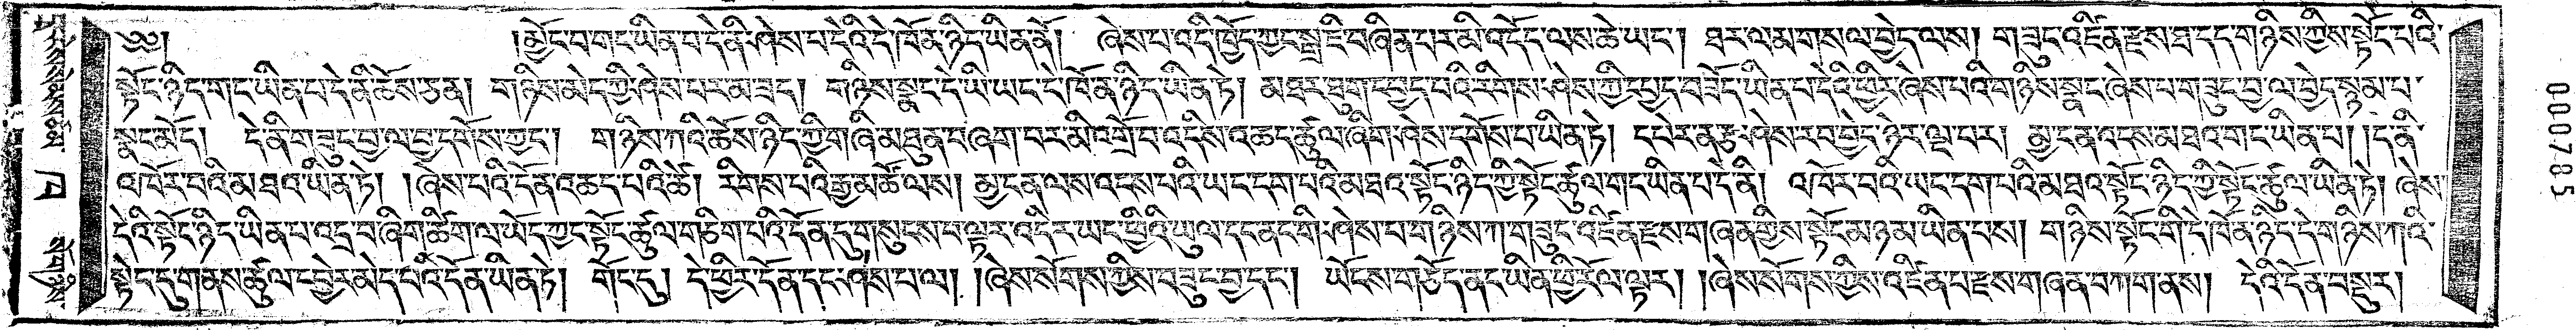༄༅། །མྱོང་བ་གང་ཡིན་པ་དེ་ནི་ཤེས་པ་དེའི་དེ་ཁོ་ན་ཉིད་ཡིན་ནོ། ཞེས་པ་འདི་ཁྱོད་ཀྱང་སྒྲ་ཇི་བཞིན་པར་མི་འདོད་ལས་ཆེ་ཡང་། ཐར་ལམ་གསལ་བྱེད་ལས། གཟུང་འཛིན་རྫས་ཐ་དད་གཉིས་ཀྱིས་སྟོང་པའི་
སྟོང་ཉིད་གང་ཡིན་པ་དེ་ནི་ཆོས་ཅན། གཉིས་མེད་ཀྱི་ཤེས་པར་མ་ཟད། གཉིས་སྣང་དེ་ཡི་ཡང་དེ་ཁོ་ན་ཉིད་ཡིན་ཏེ། མཐར་ཐུག་དཔྱད་པའི་རིགས་ཤེས་ཀྱི་དཔྱད་བཟོད་ཡིན་པ་དེའི་ཕྱིར་ཞེས་པའི་གཉིས་སྣང་ཞེས་པ་གཟུང་བྱ་ལ་བྱེད་སྙམ་པ་
སྣང་མོད། དེ་ནི་གཟུང་བྱ་ལ་བྱ་དགོས་ཀྱང་། གཉིས་ཀའི་ཆོས་ཉིད་ཀྱི་གཞི་མཐུན་བཞག་པར་མི་འགྲོ་བ་འདིས་འཆད་ཚུལ་ཞིག་ཤེས་དགོས་པ་ཡིན་ཏེ། དཔེར་ན་རྩ་ཤེས་རབ་བྱེད་ཉེར་ལྔ་པར། མྱ་ངན་འདས་མཐའ་གང་ཡིན་པ། །དེ་ནི་
འཁོར་བའི་མཐའ་ཡིན་ཏེ། །ཞེས་པའི་དོན་འཆད་པའི་ཚེ། རིགས་པའི་རྒྱ་མཚོ་ལས། མྱ་ངན་ལས་འདས་པའི་ཡང་དག་པའི་མཐའ་སྟོང་ཉིད་ཀྱི་སྟོང་ཚུལ་གང་ཡིན་པ་དེ་ནི། འཁོར་བའི་ཡང་དག་པའི་མཐའ་སྟོང་ཉིད་ཀྱི་སྟོང་ཚུལ་ཡིན་ཏེ། ཞེས་
དེའི་སྟོང་ཉིད་ཡིན་པ་འདྲ་བ་ཞིག་ཚིག་ལ་ཡོད་ཀྱང་སྟོང་ཚུལ་གཅིག་པའི་དོན་དུ་གསུངས་པ་ལྟར་འདིར་ཡང་ཕྱིའི་ཡུལ་དང་ནང་གི་ཤེས་པ་གཉིས་ཀ་གཟུང་འཛིན་རྫས་གཞན་གྱིས་སྟོང་མཉམ་ཡིན་པས། གཉིས་སྟོང་གི་དེ་ཁོ་ན་ཉིད་དེ་གཉིས་ཀའི་
སྟེང་དུ་གནས་ཚུལ་དབྱེར་མེད་པའི་དོན་ཡིན་ཏེ། གོང་དུ། དེ་ཕྱིར་དོན་དང་ཤེས་པ་ལ། །ཞེས་སོགས་ཀྱིས་བཟུང་བྱ་དང་། ཡོངས་གཅོད་ནང་ཡིན་ཕྱི་རོལ་ལྟར། །ཞེས་སོགས་ཀྱིས་འཛིན་པ་རྫས་གཞན་བཀག་ནས། དེའི་དོན་བསྡུར།